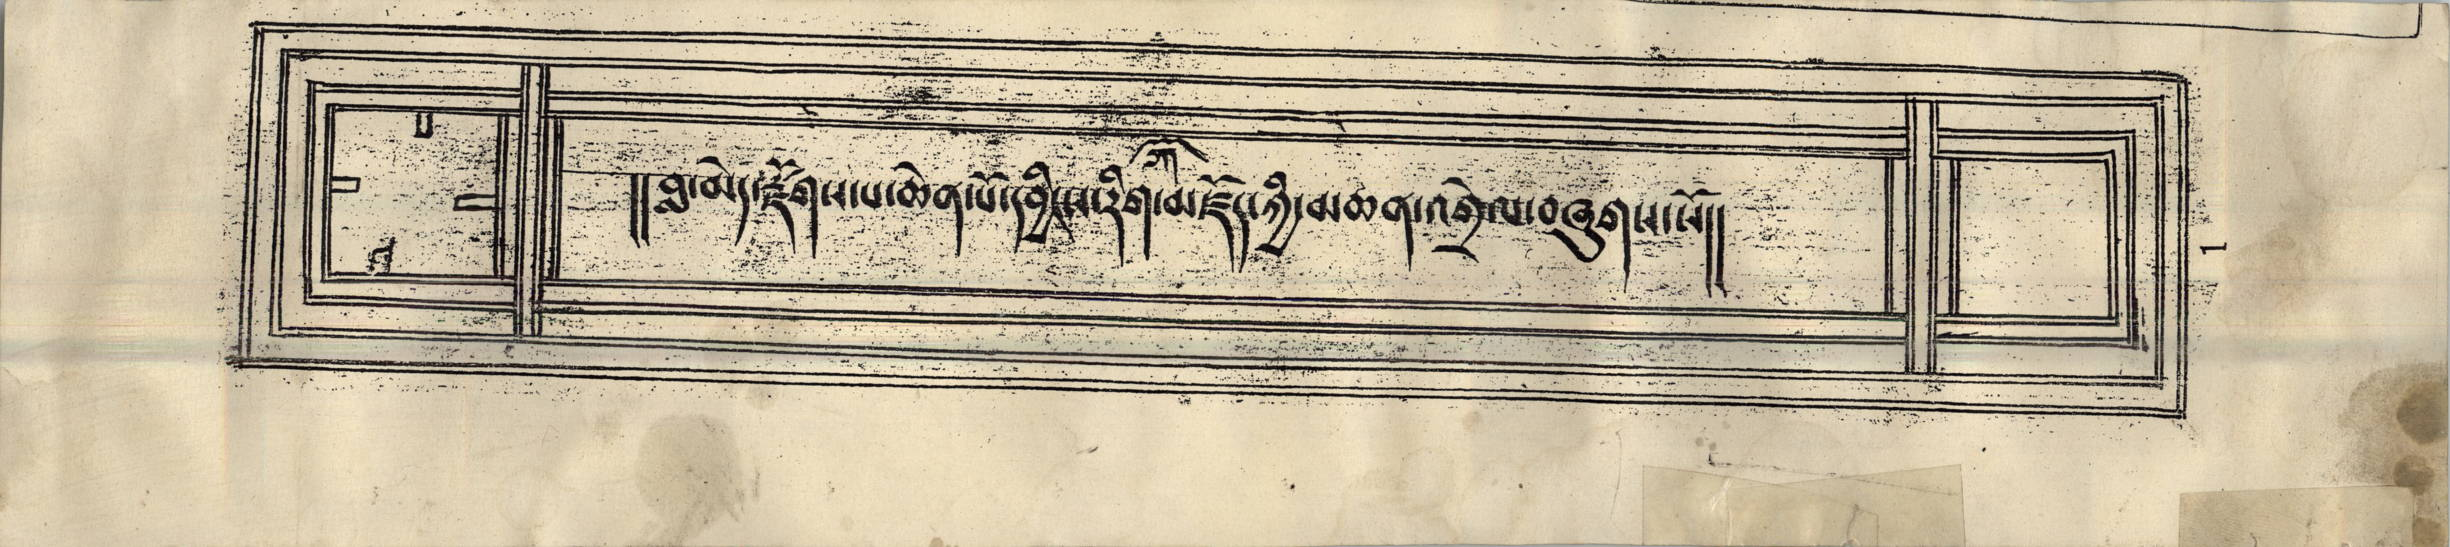བླ་མེད་རྫོགས་པ་ཆེན་པོ་དབྱིངས་རིག་མཛོད་ཀྱི་མཆན་འགྲེལ་བཞུགས་སོ།།